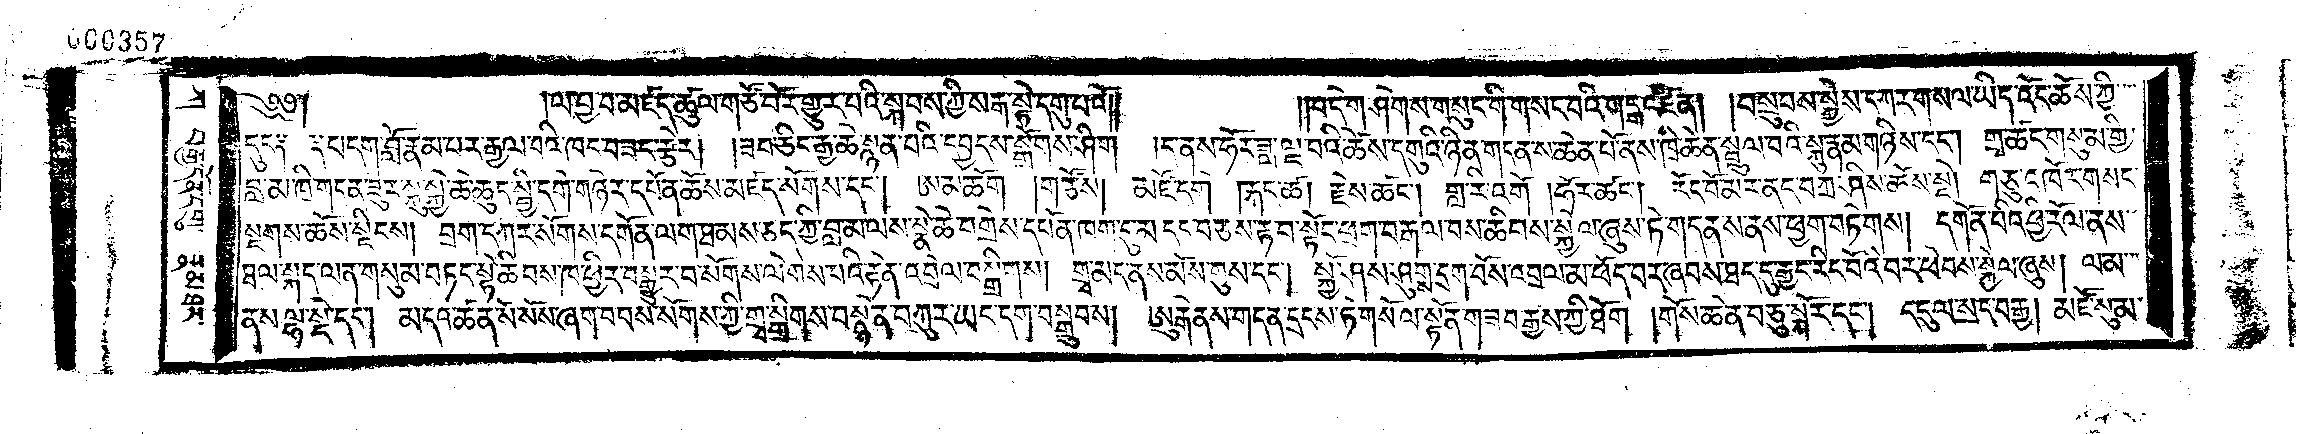༄༅། །ལ་བྱ་བ་མཛད་ཚུལ་གཙོ་བོར་གྱུར་པའི་སྐབས་ཀྱི་སརྒ་སྟེ་དགུ་པའོ། །།བདེ་གཤེགས་གསུང་གི་གསང་བའི་གངྒ་འཛིན། །བསྲུབས་སྐྱེས་དཀར་གསལ་ཡིད་འོང་ཆོས་ཀྱི་
དུང༑ ༑བདག་བློ་རྣམ་པར་རྒྱལ་བའི་ཁང་བཟང་རྩེར། །ཟབ་ཅིང་རྒྱ་ཆེ་སྙན་པའི་དབྱངས་སྒྲོགས་ཤིག །ང་ནས་ཧོར་ཟླ་ལྔ་པའི་ཚེས་དགུའི་ཉིན་གདན་ས་ཆེན་པོ་ནས་ཁྲི་ཆེན་སྤྲུལ་པའི་སྐུ་རྣམ་གཉིས་དང་། གྲྭ་ཚང་གསུམ་གྱི་
བླ་མ་ཁྲི་གདན་ཟུར་སྐུ་སྐྱེ་ཆེ་ཆུང་སྤྱི་དགེ་གཉེར་དབོན་ཆོས་མཛད་སོགས་དང་། ཨ་མཆོག །གཙོས། མཛོ་དགེ །རྐང་ཚ། རྗེས་ཚང་། གླ་རི་འགོ །ཧོར་ཚང་། རོང་བོ་མར་ནང་བཀྲ་ཤིས་ཆོས་སྡེ། གཅུ་འཁོར་གསང་
སྔགས་ཆོས་སྡིངས། བྲག་དཀར་སོགས་དགོན་ལག་ཐམས་ཅད་ཀྱི་བླ་མ་ལས་སྣེ་ཆེ་བགྲེས་དཔོན་ཁག་དུ་མ་དང་བཅས་རྟ་པ་སྟོང་ཕྲག་བརྒལ་བས་ཆིབས་སྐྱེལ་ཞུས་ཏེ་གདན་ས་ནས་ཕྱག་བཏེགས། དགོན་པའི་ཕྱི་རོལ་ནས་
ཐལ་སྐད་ལན་གསུམ་བཏང་སྟེ་ཆིབས་ཁ་ཕྱིར་བསྒྱུར་བ་སོགས་ལེགས་པའི་རྟེན་འབྲེལ་བསྒྲིགས། གྲྭ་མང་ནས་མོས་གུས་དང་། སྐྱོ་ཤས་ཤུགས་དྲག་པོས་འབྲལ་མ་ཕོད་པར་ཞབས་ཐང་དུ་རྒྱང་རིང་པོའི་བར་ཕེབས་སྐྱེལ་ཞུས། ལམ་
ནས་ལྷ་སྡེ་དང་། མངའ་ཚན་སོ་སོས་ཞག་བབས་སོགས་ཀྱི་གྲྭ་སྒྲིགས་བསྙེན་བཀུར་ཡང་དག་བསྒྲུབས། ཨུརྒེ་ནས་གདན་དྲངས་ཏེ་གསོལ་སྟོན་གཟབ་རྒྱས་ཀྱི་ཐོག །གོས་ཆེན་བཅུ་སྒོར་དང་། དངུལ་གྲང་བརྒྱ། མཛོ་སུམ་